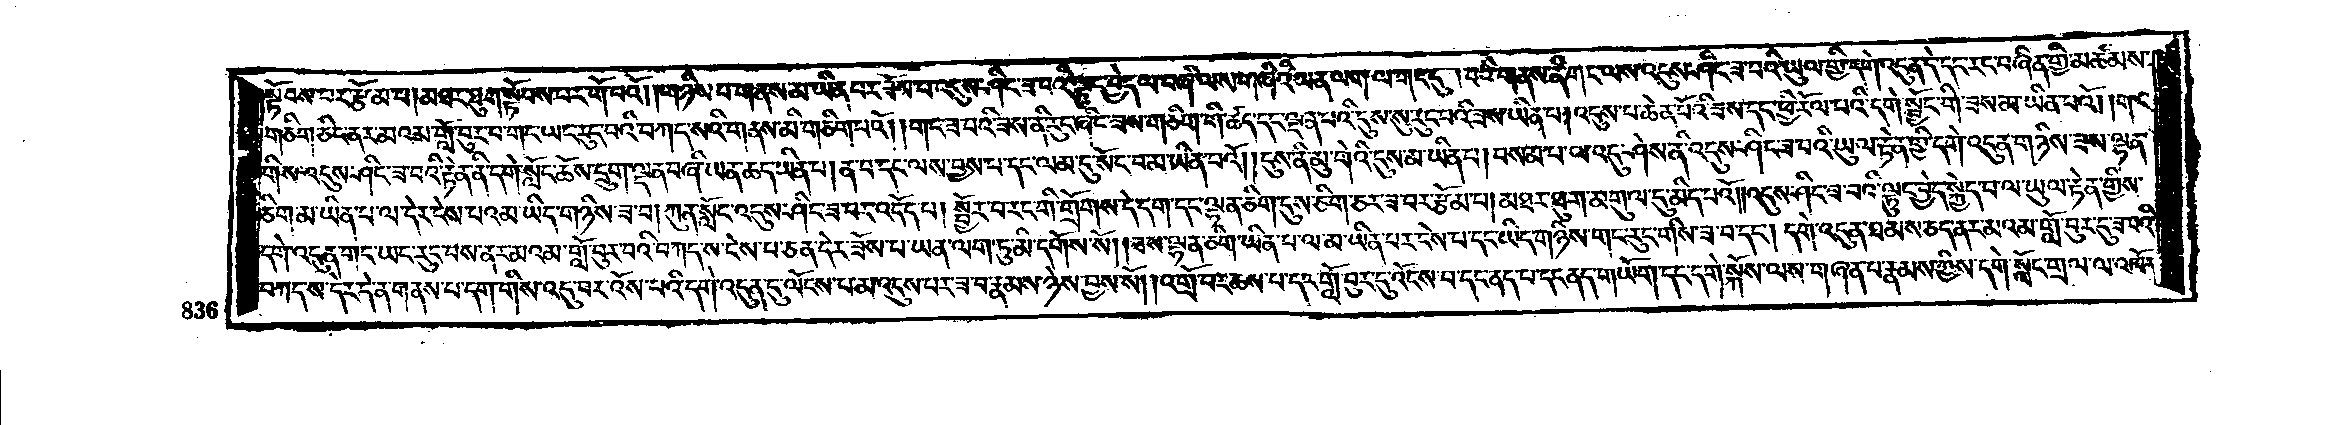སྟོབས་པར་རྩོམ་པ། མཐར་ཐུག་སྟོབས་པར་གོ་བའོ། །གཉིས་པ་གནས་མ་ཡིན་པར་ཟོས་པ་འདུས་ཤིང་ཟ་བའི་ལྟུང་བྱེད་ལ་བཞི་ལས་གཞིའི་ཡན་ལག་ལ་གང་དུ། བའི་གནས་ནི་གང་ལས་འདུས་ཤིང་ཟ་བའི་ཡུལ་གྱི་དགེ་འདུན་དེ་དང་རང་བཞིན་གྱི་མཚམས་
གཅིག་ཅིང་ནར་མའམ་གློ་བུར་བ་གང་ཡང་རུང་བའི་བཀད་སའི་གནས་མི་གཅིག་པའོ། །གང་ཟ་བའི་ཟས་ནི་རུང་ཞིང་ཟས་གཅིག་གི་ཚད་དང་ལྡན་པའི་དུས་སུ་རུང་བའི་ཟས་ཡིན་པ། འདུས་པ་ཆེན་པོའི་ཟས་དང་ཕྱི་རོལ་པའི་དགེ་སྦྱོང་གི་ཟས་མ་ཡིན་པའོ། །གང་
གིས་འདུས་ཤིང་ཟ་བའི་རྟེན་ནི་དགེ་སློང་ཆོས་དྲུག་ལྡན་བཞི་ཡན་ཆད་ཡིན་པ། ན་བ་དང་ལས་བྱས་པ་དང་ལམ་དུ་སོང་བ་མ་ཡིན་པའོ། །དུས་ནི་མུ་གེའི་དུས་མ་ཡིན་པ། བསམ་པ་ལ་འདུ་ཤེས་ནི་འདུས་ཤིང་ཟ་བའི་ཡུལ་རྟེན་གྱི་དགེ་འདུན་གཉིས་ཟས་ལྷན་
ཅིག་མ་ཡིན་པ་ལ་དེར་ངེས་པའམ་ཡིད་གཉིས་ཟ་བ། ཀུན་སློང་འདུས་ཤིང་ཟ་བར་འདོད་པ། སྦྱོར་བ་རང་གི་གྲོགས་དེ་དག་དང་ལྷན་ཅིག་དུས་ཅིག་ཅར་ཟ་བར་རྩོམ་པ། མཐར་ཐུག་མགུལ་དུ་མིད་པའོ། །འདུས་ཤིང་ཟ་བའི་ལྟུང་བྱེད་སྐྱེད་པ་ལ་ཡུལ་རྟེན་གྱིས་
དགེ་འདུན་གང་ཡང་རུང་བས་ནར་མའམ་གློ་བུར་བའི་བཀད་ས་ངེས་པ་ཅན་དེར་ཟོས་པ་ཡན་ལག་ཏུ་མི་དགོས་སོ། །ཟས་ལྷན་ཅིག་ཡིན་པ་ལ་མ་ཡིན་པར་ངེས་པ་དང་ཡིད་གཉིས་གང་རུང་གིས་ཟ་བ་དང་། དགེ་འདུན་ཐམས་ཅད་ནར་མའམ་གློ་བུར་དུ་ཟ་བའི་
བཀད་ས་དེར་དེ་ན་གནས་པ་དག་གིས་འདུ་བར་འོས་པའི་དགེ་འདུན་དུ་ལོངས་པ་མ་འདུས་པར་ཟ་བ་རྣམས་ཉེས་བྱས་སོ། །འགྲོ་བར་ཆས་པ་དང་གློ་བུར་དུ་འོངས་པ་དང་ནད་པ་དང་ནད་གཡོག་དང་དགེ་སྐོས་ལས་གཞན་པ་རྣམས་ཀྱིས་དགེ་སློང་གྲལ་ལ་འཁོར་